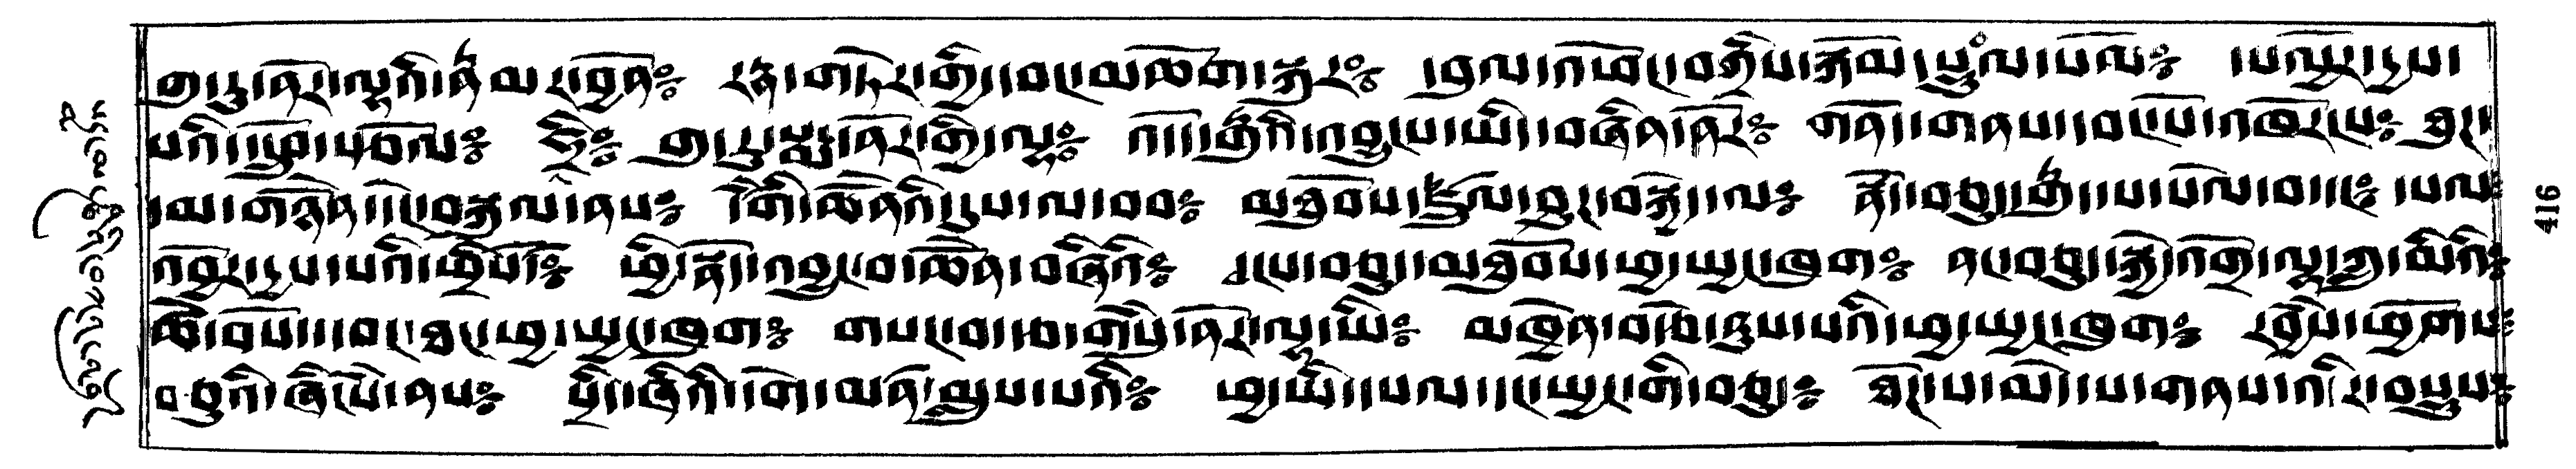གུ་རུ་ནོར་ལྷའི་རྣམ་པར་བྱོན༔ རཏྣ་གཏེར་གྱི་དབང་མཆོག་སྐུར༔ དབུལ་ཕོངས་བཀྲེས་སྐོམ་སྡུག་བསྔལ་སོལ༔ དཔལ་འབྱོར་རྒྱས་
པའི་དངོས་གྲུབ་སྩོལ༔ ཧྲི༔ གུ་རུ་པདྨ་ནོར་གྱི་ལྷ༔ འདོད་དགུའི་འབྱུང་གནས་ཡིད་བཞིན་ནོར༔ གནོད་གནས་དབང་པའི་འཁོར་དང་བཅས༔ ཐུགས་
དམ་གཉེན་པོ་དེས་སྐུལ་ན༔ དམ་ཚིག་ཆེན་པོའི་དུས་ལ་བབ༔ མཐུ་སྟོབས་ཛུ་འཕྲུལ་ཤུགས་སྐྱེད་ལ༔ སྣོར་བཅུད་རྒུད་པ་སེལ་བ་དང༔ དཔལ་
འབྱོར་རྒྱས་པའི་ཕྲིན་ལས་མཛོད༔ཕྱི་སྣོད་འབྱུང་བ་ཆེན་པོ་བཞིའི༔ དྭངས་བཅུད་མཐུ་སྟོབས་ཕྱྭ་གཡང་ཁུག༔ ནང་བཅུད་སྐྱེ་འགྲོ་ལྷ་ཀླུ་མིའི༔ 
ཚེ་བསོད་དབང་ཐང་ཕྱྭ་གཡང་ཁུག༔ གསང་བ་རྩ་གསུམ་ནོར་ལྷ་ཡི༔ མཁྱེན་བརྩེ་ནུས་པའི་ཕྱྭ་གཡང་ཁུག༔ རབ་འབྱམས་ཕྱོགས་
བཅུའི་ཞིང་ཁམས་ནས༔ སྲིད་ཞིའི་དགེ་མཚན་མ་ལུས་པའི། ཕྱྭ་ཡི་དཔལ་དང་དབྱངས་ཀྱི་བཅུད༔ ཐོགས་པ་མེད་པ་གནས་འདིར་བསྡུས༔